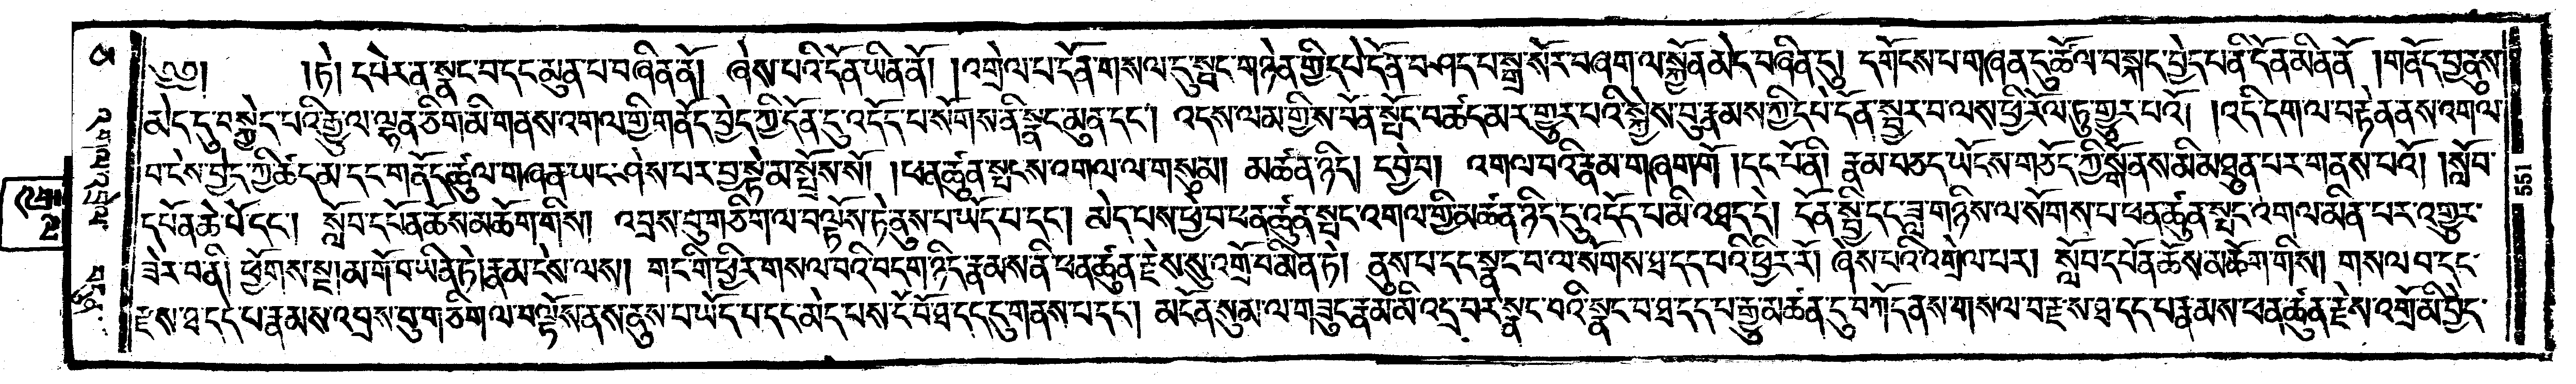༄༅། །ཏེ། དཔེར་ན་སྣང་བ་དང་མུན་པ་བཞིན་ནོ། ཞེས་པའི་དོན་ཡིན་ནོ། །འགྲེལ་པ་དོན་གསལ་དུ་སྤང་གཉེན་གྱི་དཔེ་དོན་བཤད་པ་སྒྲ་སོར་བཞག་ལ་སྐྱོན་མེད་བཞིན་དུ། དགོངས་པ་གཞན་དུ་ཚོལ་བ་སྐད་བྱེད་པ་ནི་དོན་མིན་ནོ། །གནོད་བྱ་ནུས་
མེད་དུ་བསྐྱེད་པའི་རྒྱུ་ལ་ལྷན་ཅིག་མི་གནས་འགལ་གྱི་གནོད་བྱེད་ཀྱི་དོན་དུ་འདོད་པ་སོགས་ནི་སྣང་མུན་དང་། འདས་ལམ་གྱི་ས་བོན་སྤོང་བ་ཚད་མར་གྱུར་པའི་སྐྱེས་བུ་རྣམས་ཀྱི་དཔེ་དོན་སྦྱར་བ་ལས་ཕྱི་རོལ་ཏུ་གྱུར་པའོ། །འདི་དག་ལ་བརྟེན་ནས་འགལ་
བ་ངེས་བྱེད་ཀྱི་ཚད་མ་དང་གནོད་ཚུལ་གཞན་ཡང་ཤེས་པར་བྱ་སྟེ་མ་སྤྲོས་སོ། །ཕན་ཚུན་སྤངས་འགལ་ལ་གསུམ། མཚན་ཉིད། དབྱེ་བ། འགལ་བའི་རྣམ་གཞག་གོ །དང་པོ་ནི། རྣམ་བཅད་ཡོངས་གཅོད་ཀྱི་སྒོ་ནས་མི་མཐུན་པར་གནས་པའོ། །སློབ་
དཔོན་ཆེ་པོ་དང་། སློབ་དཔོན་ཆོས་མཆོག་གིས། འབྲས་བུ་གཅིག་ལ་བལྟོས་ཏེ་ནུས་པ་ཡོད་པ་དང་། མེད་པས་ཕྱེ་བ་ཕན་ཚུན་སྤང་འགལ་གྱི་མཚན་ཉིད་དུ་འདོད་པ་མི་འཐད་དེ། དོན་སྤྱི་དང་ཟླ་གཉིས་ལ་སོགས་པ་ཕན་ཚུན་སྤང་འགལ་མིན་པར་འགྱུར་
ཟེར་བ་ནི། ཕྱོགས་སྔ། མ་གོ་བ་ཡིན་ཏེ། རྣམ་ངེས་ལས། གང་གི་ཕྱིར་གསལ་བའི་བདག་ཉིད་རྣམས་ནི་ཕན་ཚུན་རྗེས་སུ་འགྲོ་བ་མིན་ཏེ། ནུས་པ་དང་སྣང་བ་ལ་སོགས་ཐ་དད་པའི་ཕྱིར་རོ། ཞེས་པའི་འགྲེལ་པར། སློབ་དཔོན་ཆོས་མཆོག་གིས། གསལ་བ་དང་
རྫས་ཐ་དད་པ་རྣམས་འབྲས་བུ་གཅིག་ལ་བལྟོས་ནས་ནུས་པ་ཡོད་པ་དང་མེད་པས་ངོ་བོ་ཐ་དད་དུ་གནས་པ་དང་། མངོན་སུམ་ལ་གཟུང་རྣམ་མི་འདྲ་བར་སྣང་བའི་སྣང་བ་ཐ་དད་པ་རྒྱུ་མཚན་དུ་བཀོད་ནས་གསལ་བ་རྫས་ཐ་དད་པ་རྣམས་ཕན་ཚུན་རྗེས་འགྲོ་མི་བྱེད་